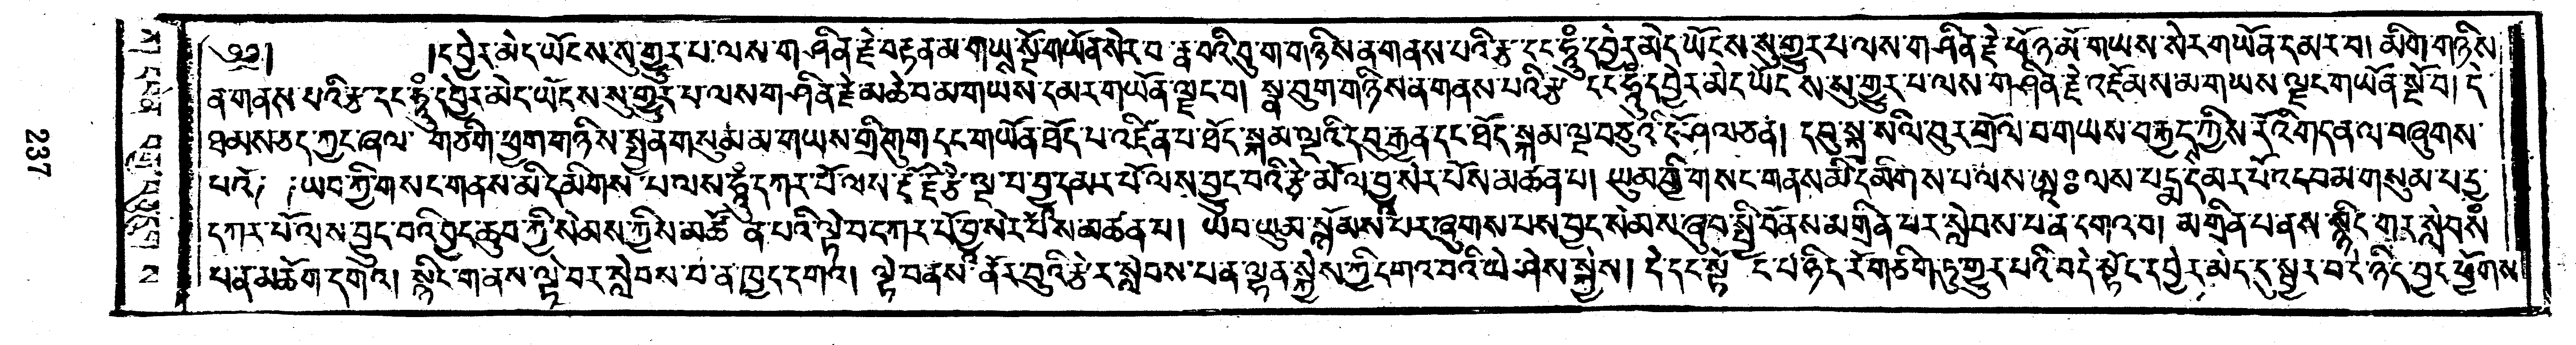༄༅། །དབྱེར་མེད་ཡོངས་སུ་གྱུར་པ་ལས་གཤིན་རྗེ་བརྟན་མ་གཡས་སྔོ་གཡོན་སེར་བ་རྣ་བའི་བུག་གཉིས་ན་གནས་པའི་རྩ་དང་ཧཱུཾ་དབྱེར་མེད་ཡོངས་སུ་གྱུར་པ་ལས་གཤིན་རྗེ་ཕོ་ཉ་མོ་གཡས་སེར་གཡོན་དམར་བ། མིག་གཉིས་
ན་གནས་པའི་རྩ་དང་ཧཱུཾ་དབྱེར་མེད་ཡོངས་སུ་གྱུར་པ་ལས་གཤིན་རྗེ་མཆེ་བ་མ་གཡས་དམར་གཡོན་ལྗང་བ། སྣ་བུག་གཉིས་ན་གནས་པའི་རྩ་དང་ཧཱུཾ་དབྱེར་མེད་ཡོངས་སུ་གྱུར་པ་ལས་གཤིན་རྗེ་འཇོམས་མ་གཡས་ལྗང་གཡོན་སྔོ་བ། དེ་
ཐམས་ཅད་ཀྱང་ཞལ་གཅིག་ཕྱག་གཉིས་སྤྱན་གསུམ་མ་གཡས་གྲི་གུག་དང་གཡོན་ཐོད་པ་འཛིན་པ་ཐོད་སྐམ་ལྔའི་དབུ་རྒྱན་དང་ཐོད་སྐམ་ལྔ་བཅུའི་ངོ་ཤལ་ཅན། དབུ་སྐྲ་སིལ་བུར་གྲོལ་བ་གཡས་བརྐྱངས་ཀྱིས་རོའི་གདན་ལ་བཞུགས་
པའོ༑ ༑ཡབ་ཀྱི་གསང་གནས་མི་དམིགས་པ་ལས་ཧཱུཾ་དཀར་པོ་ལས་རྡོ་རྗེ་རྩེ་ལྔ་པ་བྱཱ་དམར་པོ་ལས་བྱུང་བའི་རྩེ་མོ་ལ་བྱཱ་སེར་པོས་མཚན་པ། ཡུམ་གྱི་གསང་གནས་མི་དམིགས་པ་ལས་ཨཱཿ ལས་པདམ་དམར་པོ་འདབ་མ་གསུམ་པ་དྱ?མ་
དཀར་པོ་ལས་བྱུང་བའི་བྱང་ཆུབ་ཀྱི་སེམས་ཀྱིས་མཚོན་པའི་ལྟེ་བ་དཀར་པོ་བྱཱ་སེར་པོས་མཚན་པ། ཡབ་ཡུམ་སྙོམས་པར་ཞུགས་པས་བྱང་སེམས་ཞུབ་སྤྱི་བོ་ནས་མགྲིན་པར་སླེབས་པ་ན་དགའ་བ། མགྲིན་པ་ནས་སྙིང་གར་སླེབས་
པ་ན་མཆོག་དགའ། སྙིང་གནས་ལྟེ་བར་སླེབས་པ་ན་ཁྱད་དགའ། ལྟེ་བ་ནས་ནོར་བུའི་རྩེར་སླེབས་པ་ན་ལྷན་སྐྱེས་ཀྱི་དགའ་བའི་ཡེ་ཤེས་སྐྱེས། དེ་དང་སྟོང་པ་ཉིད་རོ་གཅིག་ཏུ་གྱུར་པའི་བདེ་སྟོང་དབྱེར་མེད་དུ་སྦྱར་བདེ་ཉིད་བྱང་ཕྱོགས་